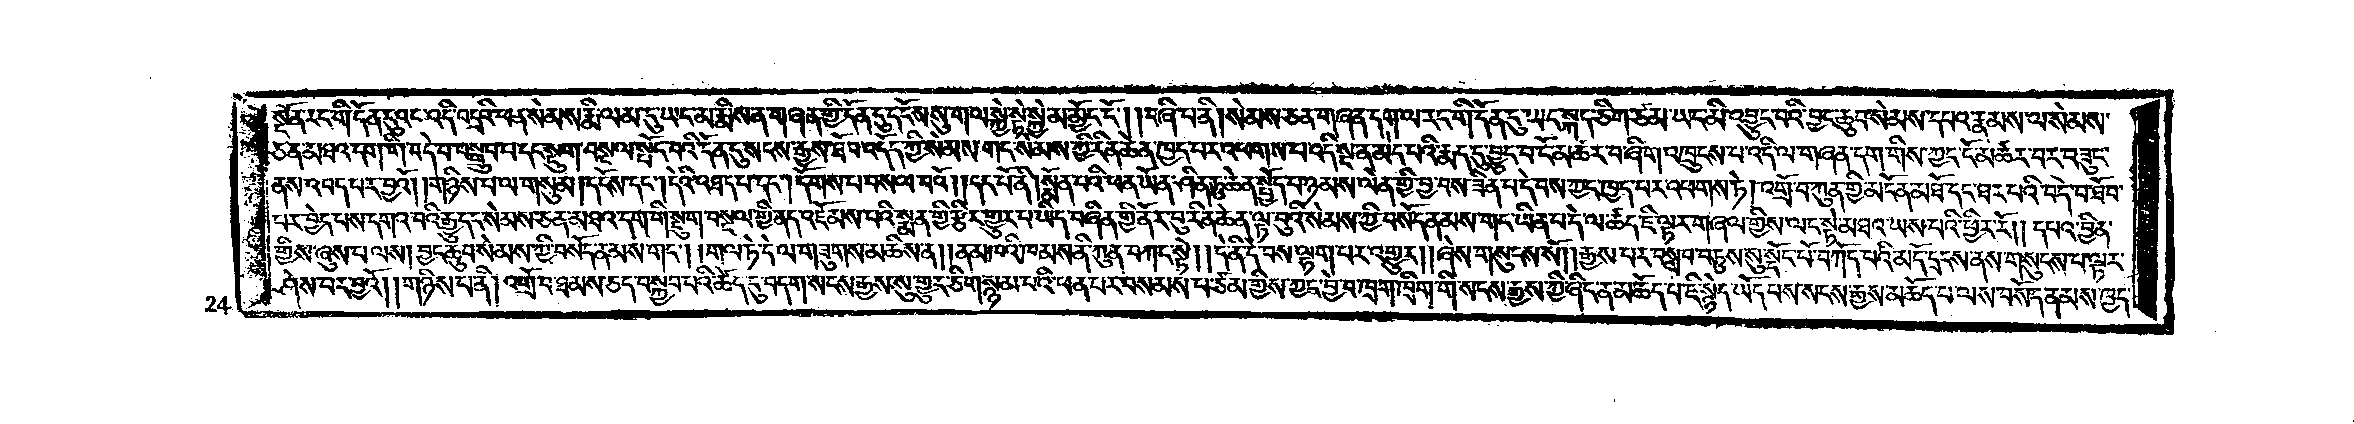སྔོན་རང་གི་དོན་དུའང་འདྲའི་ཕན་སེམས་རྨི་ལམ་དུ་ཡང་མ་རྨིས་ན་གཞན་གྱི་དོན་དུ་དངོས་སུ་གལ་སྐྱེ་སྟེ་སྐྱེ་མ་མྱོང་ངོ། །བཞི་པ་ནི། སེམས་ཅན་གཞན་དག་ལ་རང་གི་དོན་དུ་ཡང་སྐད་ཅིག་ཙམ་ཡང་མི་འབྱུང་བའི་བྱང་ཆུབ་སེམས་དཔའ་རྣམས་ལ་སེམས་
ཅན་མཐའ་དག་གི་བདེ་བ་བསྒྲུབ་པ་དང་སྡུག་བསྔལ་སྤོང་བའི་དོན་དུ་སངས་རྒྱས་ཐོབ་འདོད་ཀྱི་སེམས་གང་སེམས་ཀྱི་རིན་ཆེན་ཁྱད་པར་འཕགས་པ་འདི་སྔ་ན་མེད་པའི་རྨད་དུ་བྱང་བ་ངོ་མཚར་བ་ཞིག་འཁྲུངས་པ་འདི་ལ་གཞན་དག་གིས་ཀྱང་ངོ་མཚར་བར་བཟུང་
ནས་འབད་པར་བྱའོ། །གཉིས་པ་ལ་གསུམ། དངོས་དང་། དེའི་འཐད་པ་དང་། དོགས་པ་བསལ་བའོ། །དང་པོ་ནི། སྨོན་པའི་ཕན་ཡོན་ཤིན་ཏུ་ཆེན་སྤྱོད་པ་ཉམས་ལེན་གྱི་བྱ་བས་ཟིན་པ་དེ་བས་ཀྱང་ཁྱད་པར་འཕགས་ཏེ། འགྲོ་བ་ཀུན་གྱི་མངོན་མཐོ་དང་ཐར་པའི་བདེ་བ་ཐོབ་
པར་བྱེད་པས་དགའ་བའི་རྒྱུ་དང་སེམས་ཅན་མཐའ་དག་གི་སྡུག་བསྔལ་གྱི་ནད་འཇོམས་པའི་སྨན་གྱི་རྩིར་གྱུར་པ་ཡིད་བཞིན་གྱི་ནོར་བུ་རིན་ཆེན་ལྟ་བུའི་སེམས་ཀྱི་བསོད་ནམས་གང་ཡིན་པ་དེ་ལ་ཚད་ཇི་ལྟར་གཞལ་གྱིས་ལང་སྟེ་མཐའ་ཡས་པའི་ཕྱིར་རོ། །དཔའ་བྱིན་
གྱིས་ཞུས་པ་ལས། བྱང་ཆུབ་སེམས་ཀྱི་བསོད་ནམས་གང་། །གལ་ཏེ་དེ་ལ་གཟུགས་མཆིས་ན། །ནམ་མཁའི་ཁམས་ནི་ཀུན་བཀང་སྟེ། །དེ་ནི་དེ་བས་ལྷག་པར་འགྱུར། །ཞེས་གསུངས་སོ། །རྒྱས་པར་བསླབ་བཏུས་སུ་སྡོང་པོ་བཀོད་པའི་མདོ་དྲངས་ནས་གསུངས་པ་ལྟར་
ཤེས་པར་བྱའོ། །གཉིས་པ་ནི། འགྲོ་བ་ཐམས་ཅད་བསྐྱབ་པའི་ཚེད་དུ་བདག་སངས་རྒྱས་སུ་གྱུར་ཅིག་སྙམ་པའི་ཕན་པར་བསམས་པ་ཙམ་གྱིས་ཀྱང་བྱེ་བ་ཁྲག་ཁྲིག་གི་སངས་རྒྱས་ཀྱི་ཞིང་ན་མཆོད་པ་ཇི་སྙེད་ཡོད་པས་སངས་རྒྱས་མཆོད་པ་ལས་བསོད་ནམས་ཁྱད་